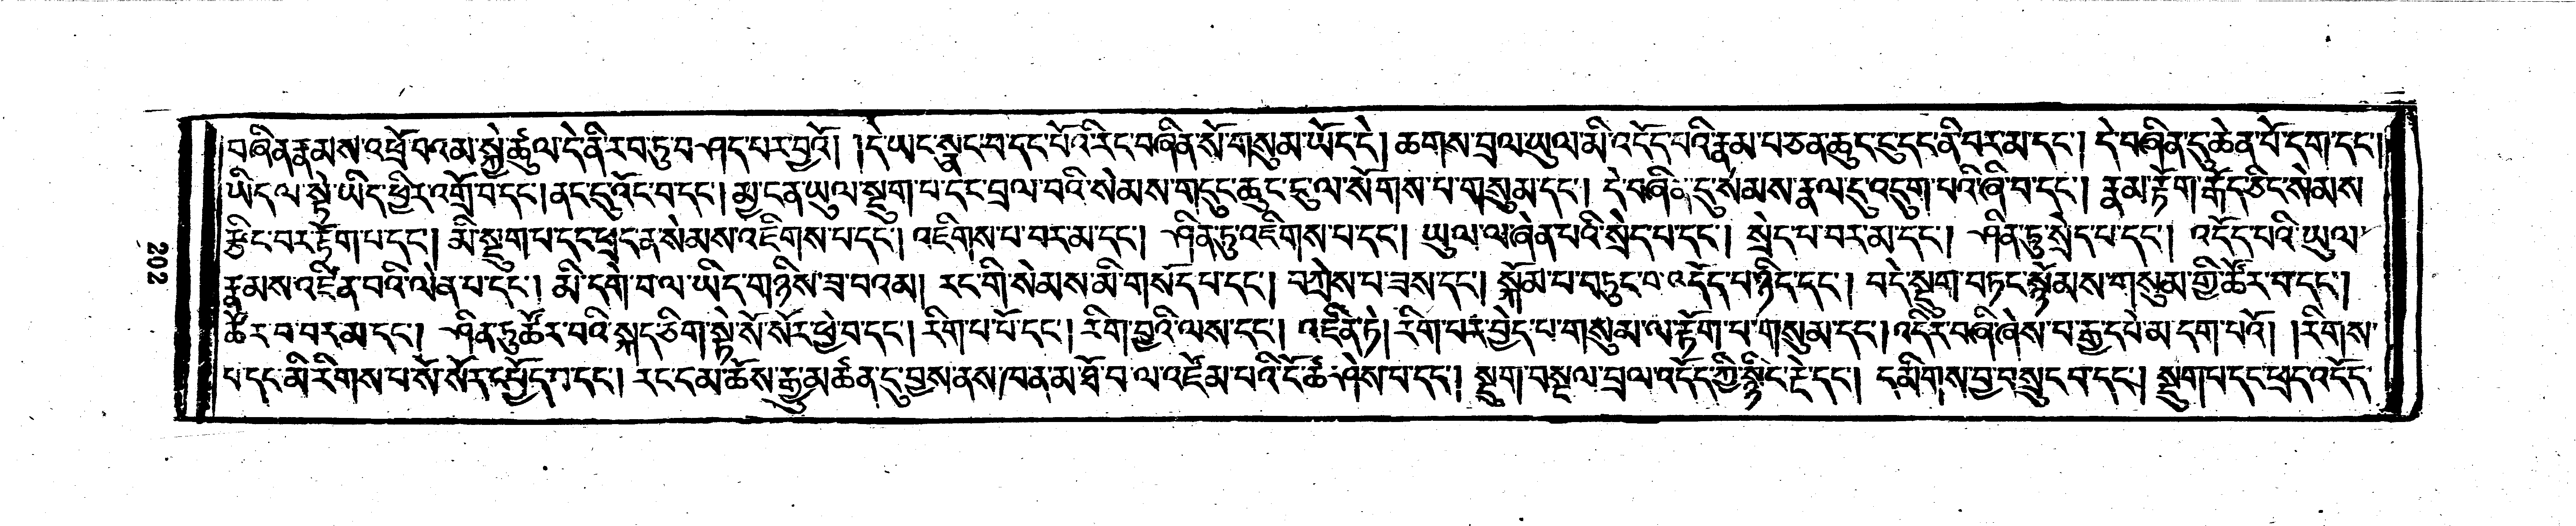བཞིན་རྣམས་འཕྲོ་བའམ་སྐྱེ་ཚུལ་དེ་ནི་རབ་ཏུ་བཤད་པར་བྱའོ། །དེ་ཡང་སྣང་བ་དང་པོའི་རང་བཞིན་སོ་གསུམ་ཡོད་དེ། ཆགས་བྲལ་ཡུལ་མི་འདོད་པའི་རྣམ་པ་ཅན་ཆུང་ངུ་དང་ནི་བར་མ་དང་། དེ་བཞིན་དུ་ཆེན་པོ་དག་དང་།
ཡིད་ལ་སྟེ་ཡིད་ཕྱིར་འགྲོ་བ་དང་། ནང་དུ་འོང་བ་དང་། མྱ་ངན་ཡུལ་སྡུག་པ་དང་བྲལ་བའི་སེམས་གདུང་ཆུང་ངུ་ལ་སོགས་པ་གསུམ་དང་། དེ་བཞིན་དུ་སེམས་རྣལ་དུ་འདུག་པའི་ཞི་བ་དང་། རྣམ་རྟོག་རྒོད་ཅིང་སེམས་
རྩིང་བར་རྟོག་པ་དང་། མི་སྡུག་པ་དང་ཕྲད་ན་སེམས་འཇིགས་པ་དང་། འཇིགས་པ་བར་མ་དང་། ཤིན་ཏུ་འཇིགས་པ་དང་། ཡུལ་ལ་ཞེན་པའི་སྲེད་པ་དང་། སྲེད་པ་བར་མ་དང་། ཤིན་ཏུ་སྲེད་པ་དང་། འདོད་པའི་ཡུལ་
རྣམས་འཛིན་པའི་ལེན་པ་དང་། མི་དགེ་བ་ལ་ཡིད་གཉིས་ཟ་བའམ། རང་གི་སེམས་མི་གསོད་པ་དང་། བཀྲེས་པ་ཟས་དང་། སྐོམ་པ་བཏུང་བ་འདོད་པ་འདི་དང་། བདེ་སྡུག་བཏང་སྙོམས་གསུམ་གྱི་ཚོར་བ་དང་།
ཚོར་བ་བར་མ་དང་། ཤིན་ཏུ་ཚོར་བའི་སྐད་ཅིག་སྟེ་སོ་སོར་ཕྱེ་བ་དང་། རིག་པ་པོ་དང་། རིག་བྱའི་ལས་དང་། འཛིན་ཏེ། རིག་པར་བྱེད་པ་གསུམ་ལ་རྟོག་པ་གསུམ་དང་། འདིར་བཞི་ཞེས་པ་རྒྱ་དཔེ་མ་དག་པའོ། །རིགས་
པ་དང་མི་རིགས་པ་སོ་སོར་དཔྱོད་པ་དང་། རང་ངམ་ཆོས་རྒྱུ་མཚན་དུ་བྱས་ནས་ཁ་ན་མ་ཐོ་བ་ལ་འཛེམ་པའི་ངོ་ཚ་ཤེས་པ་དང་། སྡུག་བསྔལ་བྲལ་འདོད་ཀྱི་སྙིང་རྗེ་དང་། དམིགས་བྱ་བསྲུང་བ་དང་། སྡུག་པ་དང་ཕྲད་འདོད་